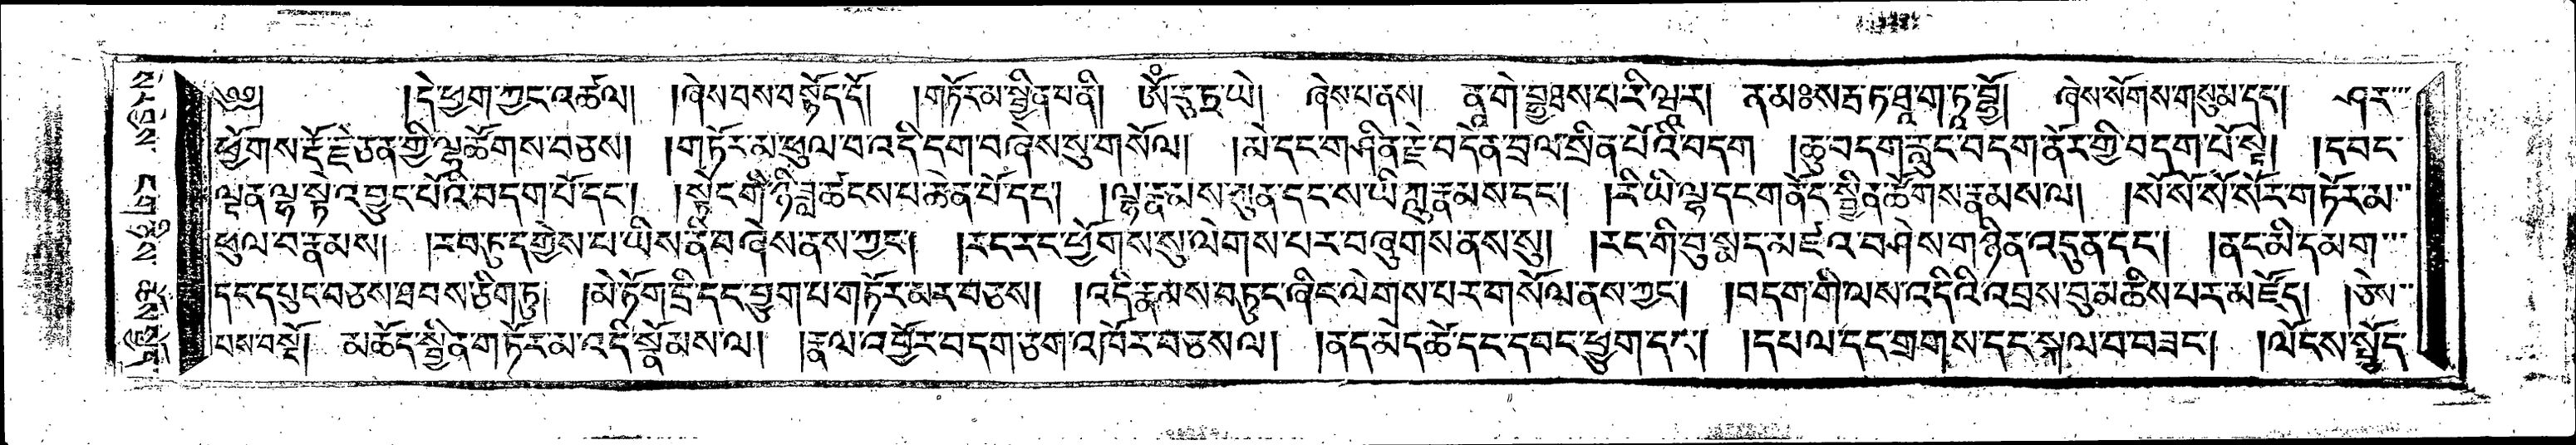༄༅། །དེ་ཕྱག་ཀྱང་འཚལ། །ཞེས་བས་བསྟོད་དོ། །གཏོར་མ་སྦྱིན་པ་ནི། ཨོཾ་རུ་ཏྲ་ཡེ། ཞེས་པ་ནས། ནཱ་གེ་བྷྱ་ཐས་པ་རི་ཝཱ་ར། །ན་མཿ སརྦ་ཏ་ཐཱ་ག་ཏཱ་བྷྱོ། ཞེས་སོགས་གསུམ་དང་། ཤར་
ཕྱོགས་རྡོ་རྗེ་ཅན་གྱི་ལྷ་ཚོགས་བཅས། །གཏོར་མ་ཕུལ་བ་འདི་དག་བཞེས་སུ་གསོལ། །མེ་དང་གཤིན་རྗེ་བདེན་བྲལ་སྲིན་པོའི་བདག །ཆུ་བདག་རླུང་བདག་ནོར་གྱི་བདག་པོ་སྟེ། །དབང་
ལྡན་ལྷ་སྟེ་འབྱུང་པོའི་བདག་པོ་དང་། །སྟེང་གི་ཉི་ཟླ་ཚངས་པ་ཆེན་པོ་དང་། །ལྷ་རྣམས་ཀུན་དང་ས་ཡི་ཀླུ་རྣམས་དང་། །རི་ཡི་ལྷ་དང་གནོད་སྦྱིན་ཚོགས་རྣམས་ལ། །སོ་སོ་སོ་སོར་གཏོར་མ་
ཕུལ་བ་རྣམས། །རབ་ཏུ་དགྱེས་པ་ཡིས་ནི་བཞེས་ནས་ཀྱང་། །རང་རང་ཕྱོགས་སུ་ལེགས་པར་བཞུགས་ནས་སུ། །རང་གི་བུ་སྨད་མཛའ་བཤེས་གཉིན་འདུན་དང་། །ནང་མི་དམག་
དང་དཔུང་བཅས་ཐབས་ཅིག་ཏུ། །མེ་ཏོག་དྲི་དང་བྱུག་པ་གཏོར་མར་བཅས། །འདི་རྣམས་བཏུང་ཞིང་ལེགས་པར་གསོལ་ནས་ཀྱང་། །བདག་གི་ལས་འདིའི་འབྲས་བུ་མཆིས་པར་མཛོད། །ཅེས་
པས་བསྔོ། མཆོད་སྦྱིན་གཏོར་མ་འདི་སྣོམས་ལ། །རྣལ་འབྱོར་བདག་ཅག་འཁོར་བཅས་ལ། །ནད་མེད་ཚེ་དང་དབང་ཕྱུག་དང་། །དཔལ་དང་གྲགས་དང་སྐལ་བ་བཟང་། །ལོངས་སྤྱོད་